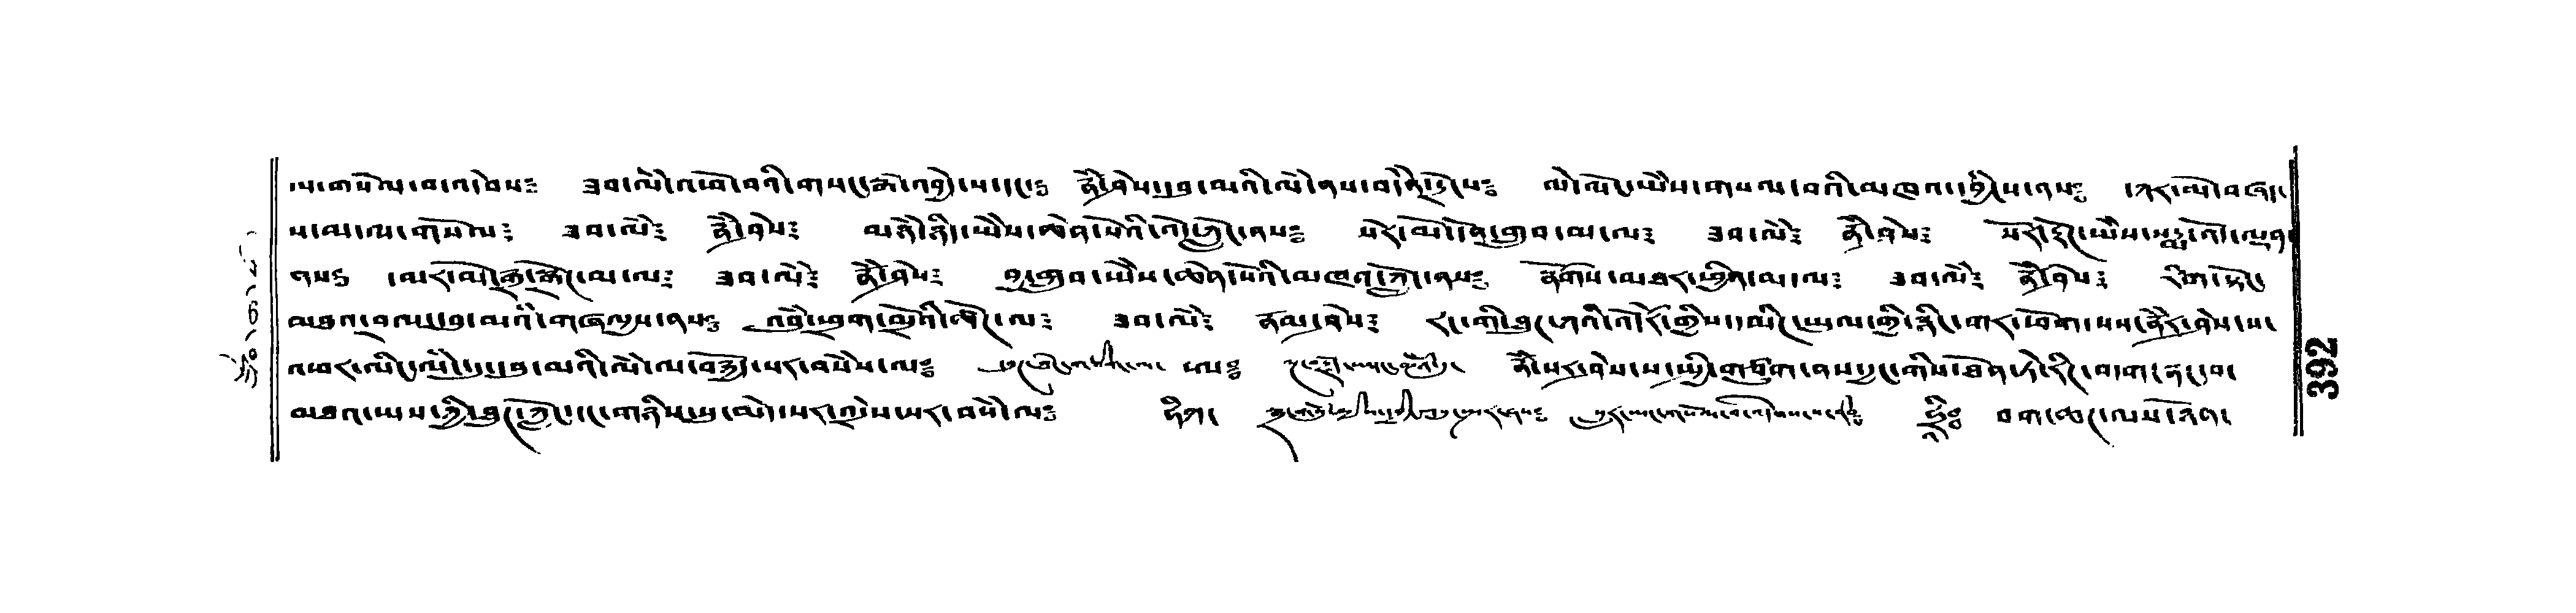ལ་གསོལ་བ་འདེབས༔ ཟབ་ལམ་འཕོ་བའི་གསང་སྒོ་འབྱེད་པ་དང༔ རྣམ་ཤེས་དབུ་མའི་ལམ་ནས་བདེ་ཆེན་དྲོངས༔ མེ་ལོང་ཡེ་ཤེས་གསལ་བའི་མཁའ་དབྱིངས་ནས༔ དཀར་མོ་བཞད་
པ་མ་ལ་གསོལ༴ ཟབ་ལམ༴ རྣམཤེས༴ མཉམ་ཉིད་ཡེ་ཤེས་ཆེན་པོའི་འོད་ཀློང་ནས༔ སེར་མོ་དོན་གྲུབ་མ་ལ༴ ཟབ་ལམ༴ རྣམ་ཤེས༴ སོར་རྟོགས་ཡེ་ཤེས་པདྨ་འོད་ལྡན་
ནས༔ དམར་མོ་སྒྲ་སྒྲོགས་མ་ལ༴ ཟབ་ལམ༴ རྣམ་ཤེས༴ བྱ་གྲུབ་ཡེ་ཤེས་ཆེན་པོའི་མཁའ་ཀློང་ནས༔ སྣ་ཚོགས་མཐར་ཕྱིན་མ་ལ༴ ཟབ་ལམ༴ རྣམ་ཤེས༴ རིག་སྟོང་
མཐའ་བྲལ་དབུ་མའི་གཞལ་ཡས་ནས༔ འབུམ་ཕྲག་མཁའ་འགྲོའི་ཚོགས་ལ༴ ཟབ་ལམ༴ རྣམ་ཤེས༴ རང་གི་ཐུགས་ཀའི་འོད་ཟེར་དམིགས་ཡུལ་གྱི་སྙིང་གར་ཕོག་པས་རྣམ་པར་ཤེས་པ་
འཕར་ལིང་ལིང་དུ་དབུ་མའི་ལམ་ལ་བསྐྱོད་པར་བསམ་ལ༔ དབུགས་ཐེངས་གཅིག་ལ། ཨཱཿ ལྔ་བརྗོད་པ་དང་མཉམ་དུ། རྣམ་པར་ཤེས་པ་སྤྱི་གཙུག་ནས་རྒྱང་གིས་ཐོན་ཏེ་རིགས་བདག་སྣང་བ་
མཐའ་ཡས་ཀྱི་ཐུགས་ཀློང་དང་གཉིས་སུ་མེད་པར་འདྲེས་པར་བསམ་ལ༔ ཧིཀ་སྒྲ་གསུམ་གྱིས་དབྱིངས་སུ་སྤར་ནས༔ སླར་ཡང་གསོལ་བ་འདེབས་པ་ནི༔ ཧྲཱིཿ བག་ཆགས་ལས་ཉོན